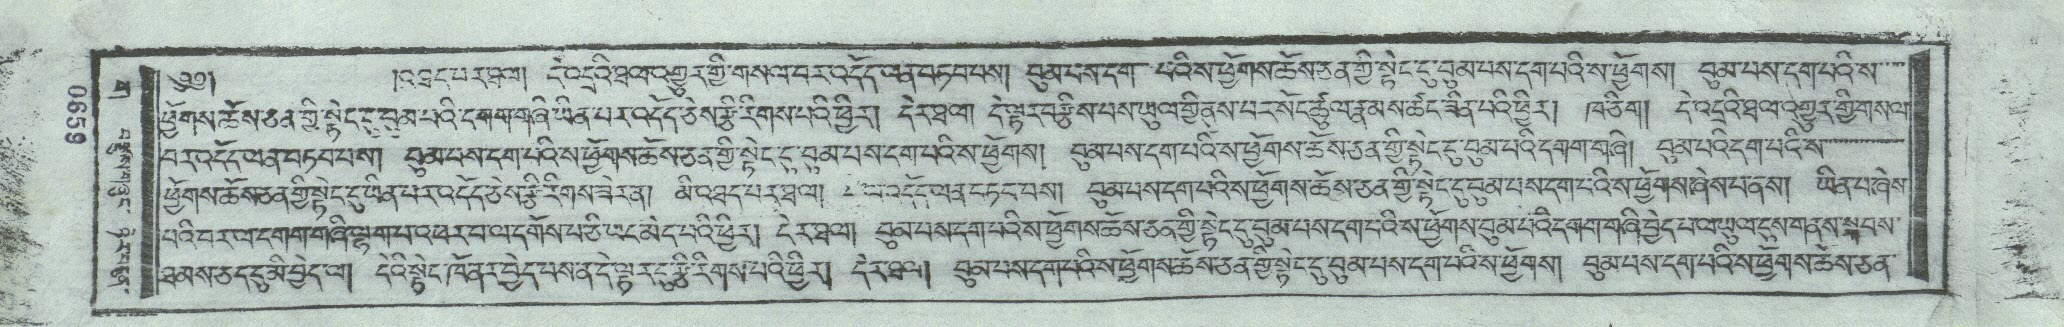༄༅། ། འཐད་བར་ཐལ། དེ་འདྲའི་ཐལ་འགྱུར་གྱི་གསལ་བར་འདོད་ལན་བཏབ་པས། བུམ་པས་དག་པའི་ས་ཕྱོགས་ཆོས་ཅན་གྱི་སྟེང་དུ་བུམ་པས་དག་པའི་ས་ཕྱོགས། བུམ་པས་དག་པའི་ས་
ཕྱོགས་ཆོས་ཅན་གྱི་སྟེང་དུ་བུམ་པའི་དགག་གཞི་ཡིན་པར་འདོད་ཅེས་རྩི་རིགས་པའི་ཕྱིར། དེར་ཐལ། དེ་ལྟར་བརྩིས་པས་ཡུལ་གྱི་ནས་པར་སོང་ཚུལ་རྣམས་ཚང་ཟིན་པའི་ཕྱིར། ཁ་ཅིག། དེ་འདྲའི་ཐལ་འགྱུར་གྱི་གསལ་
བར་འདོད་ལན་བཏབ་བས། བུམ་བས་དག་པའི་ས་ཕྱོགས་ཆོས་ཅན་གྱི་སྟེང་དུ་བུམ་པས་དག་པའི་ས་ཕྱོགས། བུམ་པས་དག་པའི་ས་ཕྱོགས་ཆོས་ཅན་གྱི་སྟེང་དུ་བུམ་པའི་དགག་གཞི། བུམ་པའི་དག་པའི་ས་
ཕྱོགས་ཆོས་ཅན་གྱི་སྟེང་དུ་ཡིན་པར་འདོད་ཅེས་རྩི་རིགས་ཟེར་ན། མི་འཐད་པར་ཐལ། དེ་ལ་འདོད་ལན་བཏང་བས། བུམ་པས་དག་པའི་ས་ཕྱོགས་ཆོས་ཅན་གྱི་སྟེང་དུ་བུམ་པས་དག་པའི་ས་ཕྱོགས་ཞེས་པ་ནས། ཡིན་པ་ཞེས་
པའི་བར་ལ་དགག་གཞི་ལྷག་བ་འཕར་བ་ལ་དགོས་པ་ཅི་ཡང་མེད་པའི་ཕྱིར། དེར་ཐལ། བུམ་བས་དག་བའི་ས་ཕྱོགས་ཆོས་ཅན་གྱི་སྟེང་དུ་བུམ་པས་དག་པའི་ས་ཕྱོགས་བུམ་པའི་དགག་གཞི་བྱེད་པ་ལ་ཡུལ་དུས་གནས་སྐབས་
ཐམས་ཅད་དུ་མི་བྱེད་ལ། དེའི་སྟེང་ཁོ་ནར་བྱེད་པས་ན་དེ་ལྟར་དུ་རྩི་རིགས་པའི་ཕྱིར། དེར་ཐལ། བུམ་པས་དག་པའི་ས་ཕྱོགས་ཆོས་ཅན་གྱི་སྟེང་དུ་བུམ་པས་དག་པའི་ས་ཕྱོགས། བུམ་པས་དག་པའི་ས་ཕྱོགས་ཆོས་ཅན་